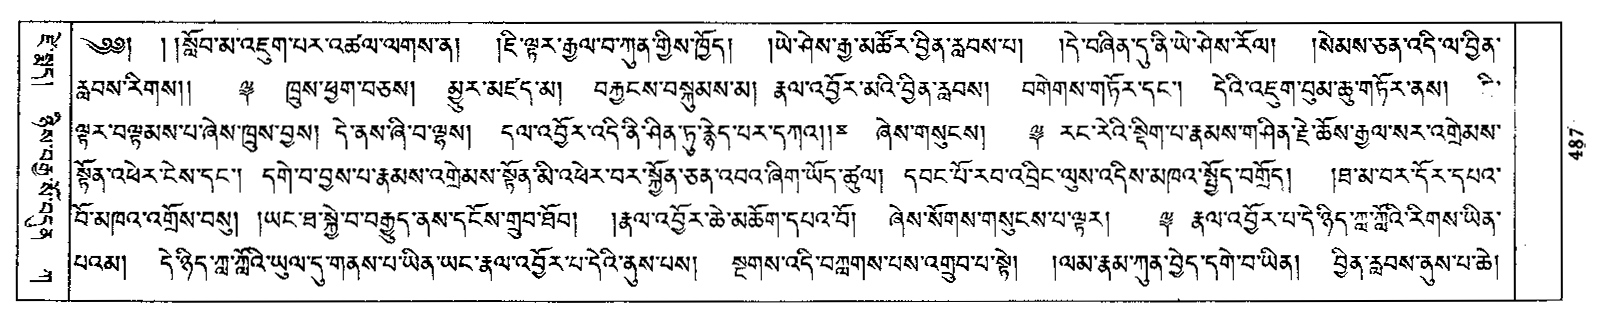༄༅། །སློབ་མ་འཇུག་པར་འཚལ་ལགས་ན། །ཇི་ལྟར་རྒྱལ་བ་ཀུན་གྱིས་ཁྱོད། །ཡེ་ཤེས་རྒྱ་མཚོར་བྱིན་རླབས་པ། །དེ་བཞིན་དུ་ནི་ཡེ་ཤེས་རོལ། །སེམས་ཅན་འདི་ལ་བྱིན་
རླབས་རིགས།། ༈ ཁྲུས་ཕྱག་བཅས། མྱུར་མཛད་མ། བརྐྱངས་བསྐུམས་མ། རྣལ་འབྱོར་མའི་བྱིན་རླབས། བགེགས་གཏོར་དང་། དེའི་འཇུག་བུམ་ཆུ་གཏོར་ནས། ཇི་
ལྟར་བལྟམས་པ་ཞེས་ཁྲུས་བྱས། དེ་ནས་ཞི་བ་ལྷས། དལ་འབྱོར་འདི་ནི་ཤིན་ཏུ་རྙེད་པར་དཀའ།། ྾་ཞེས་གསུངས། ༈ རང་རེའི་སྡིག་པ་རྣམས་གཤིན་རྗེ་ཆོས་རྒྱལ་སར་འགྲེམས་
སྟོན་འཕེར་ངེས་དང་། དགེ་བ་བྱས་པ་རྣམས་འགྲེམས་སྟོན་མི་འཕེར་བར་སྐྱོན་ཅན་འབའ་ཞིག་ཡོད་ཚུལ། དབང་པོ་རབ་འབྲིང་ལུས་འདིས་མཁའ་སྤྱོད་བགྲོད། །ཐ་མ་བར་དོར་དཔའ་
བོ་མཁའ་འགྲོས་བསུ། །ཡང་ཐ་སྐྱེ་བ་བརྒྱུད་ནས་དངོས་གྲུབ་ཐོབ། །རྣལ་འབྱོར་ཆེ་མཆོག་དཔའ་བོ། ཞེས་སོགས་གསུངས་པ་ལྟར། ༈ རྣལ་འབྱོར་པ་དེ་ཉིད་ཀླ་ཀློའི་རིགས་ཡིན་
པའམ། དེ་ཉིད་ཀླ་ཀློའི་ཡུལ་དུ་གནས་པ་ཡིན་ཡང་རྣལ་འབྱོར་པ་དེའི་ནུས་པས། སྔགས་འདི་བཀླགས་པས་འགྲུབ་པ་སྟེ། །ལམ་རྣམ་ཀུན་བྱེད་དགེ་བ་ཡིན། བྱིན་རླབས་ནུས་པ་ཆེ།